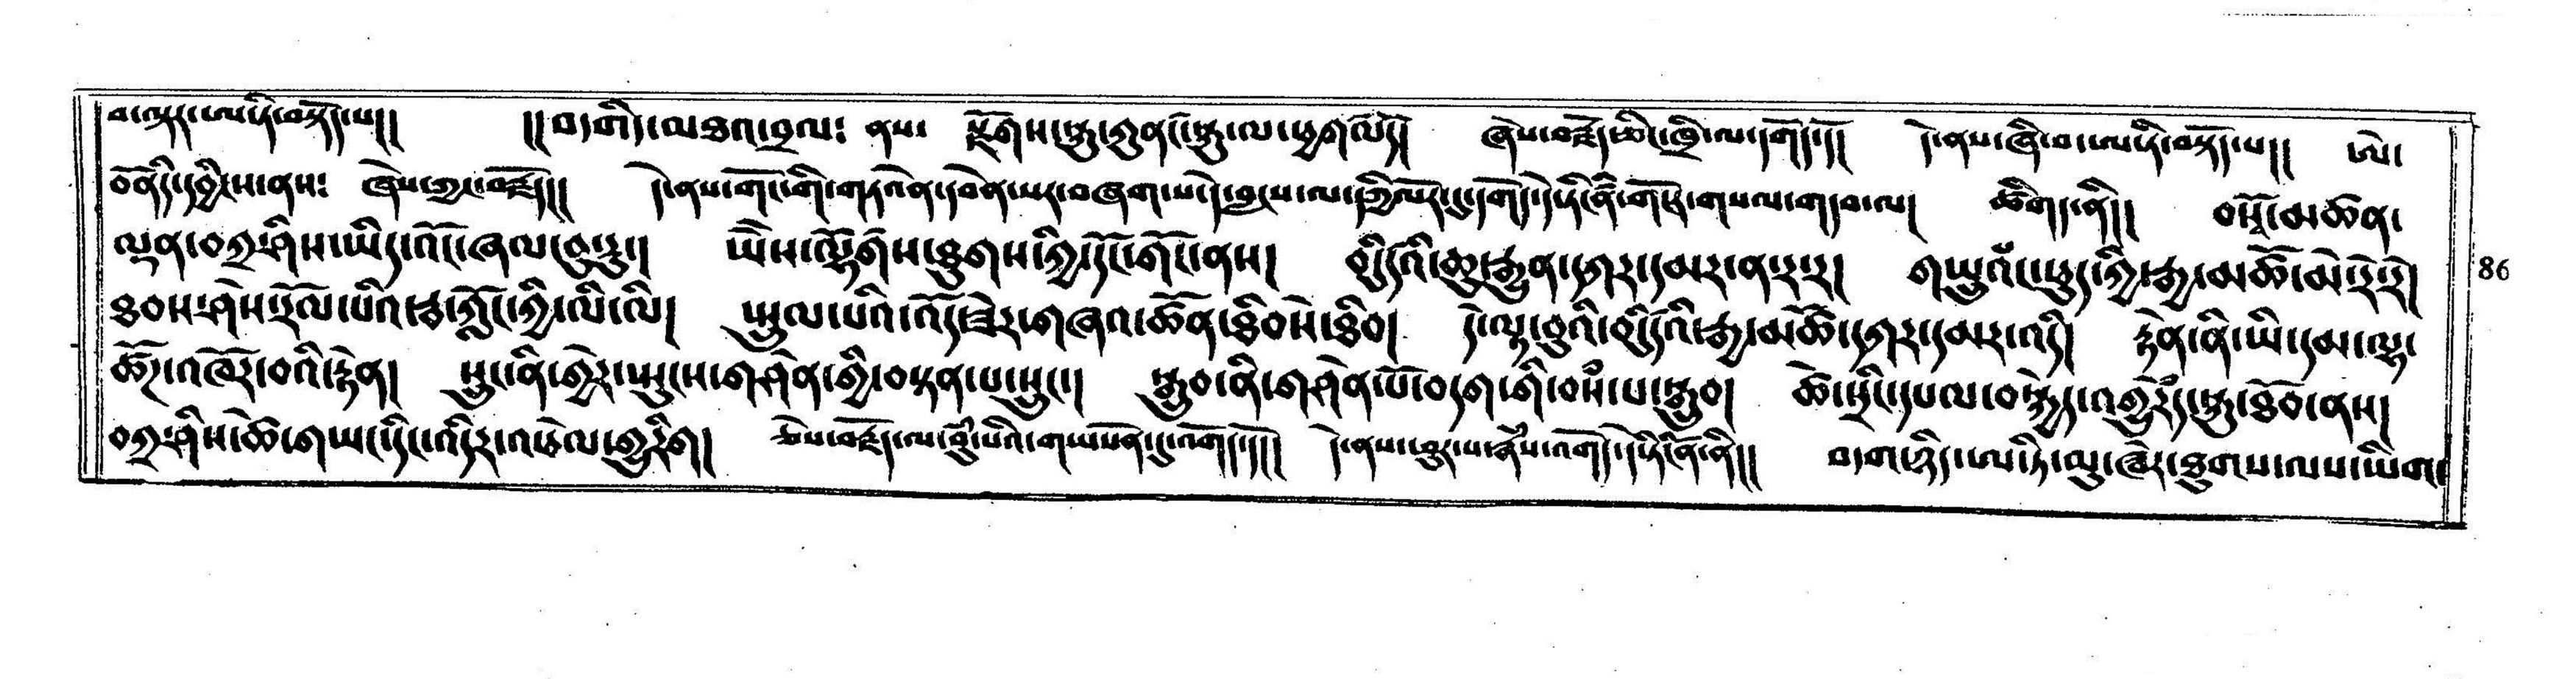བ་ལྟར་ཨ་ཏི་བསྟོད་པ།། །།བདག་ཉིད་མཐའ་བྲལ༴ ནས་རྫོགས་སྐུ་ཀུན་བཟང་སྐུ་ལ་ཕྱག་འཚལ་བསྟོད། ཞེས་བརྗོད་ཅིང་ཁྲི་ལ་དགོད་དོ། དེ་ནས་ཞི་བ་ཨ་ཏི་བསྟོད་པ།། ཨེ་
བོན་ཉིད་དབྱིངས་ནས༴ ཞེས་ཀྱང་བརྗོད།། དེ་ནས་གོང་གི་གཏའ་ཆེན་དབེན་པར་བཞག་པ་དེ་བླངས་ལ་དཀྱིལ་འཁོར་དུ་དགོད་དེ་ཏིང་འཛིན་གོང་ལྟར་གསལ་གདབ་ལ། ཚིག་བཤད་ནི། བསྭོ་མཚན་
ལྡན་བཀྲ་ཤིས་ཡིད་འོང་ཞལ་བུ་རུ། ཡེ་ཤེས་ལྷ་ཚོགས་ཐུགས་ཀྱི་དོང་གོང་ནས། བདུད་རྩིའི་ཆུ་རྒྱུན་དཀར་དམར་ན་ར་ར། གཡུ་འབྲང་ཕུད་ཀྱི་རྒྱ་མཚོ་མེ་རེ་རེ། 
ཐབས་ཤེས་རོལ་པའི་རྦ་ཀློང་ཀྱི་ལི་ལི། སྤྲུལ་པའི་འོད་ཟེར་གཞའ་ཚོན་ཐིབས་སེ་ཐིབ། དེ་ལྟ་བུའི་བདུད་རྩིའི་རྒྱ་མཚོ་དཀར་དམར་འདི། རྟེན་ནི་ཡི་དམ་ལྷ་
ཚོགས་འཁོར་བའི་རྟེན། སྲུང་ནི་གྱེར་སྤུངས་གཤེན་གྱི་བསྟན་པ་སྲུང་། སྒྲུབ་ནི་གཤེན་པོ་བདག་གི་བསམ་པ་སྒྲུབ། ཚེ་སྲིང་དཔལ་བསྐྱེད་འགྱུར་མེད་སྐུ་ཐོབ་ནས། 
བཀྲ་ཤིས་ཚེ་གཡང་དིང་འདིར་འཕེལ་གྱུར་ཅིག ཅེས་བརྗོད་ལ་བུམ་པའི་གཡས་གཡོན་དུ་འགོད་དོ། དེ་ནས་ཕུར་པ་རྣམས་འགོད་དེ་ཏིང་འཛིན་ནི།། བདག་ཉིད་ཨ་ཏི་མུ་ཝེར་ཐུགས་ལས་ཡིག་